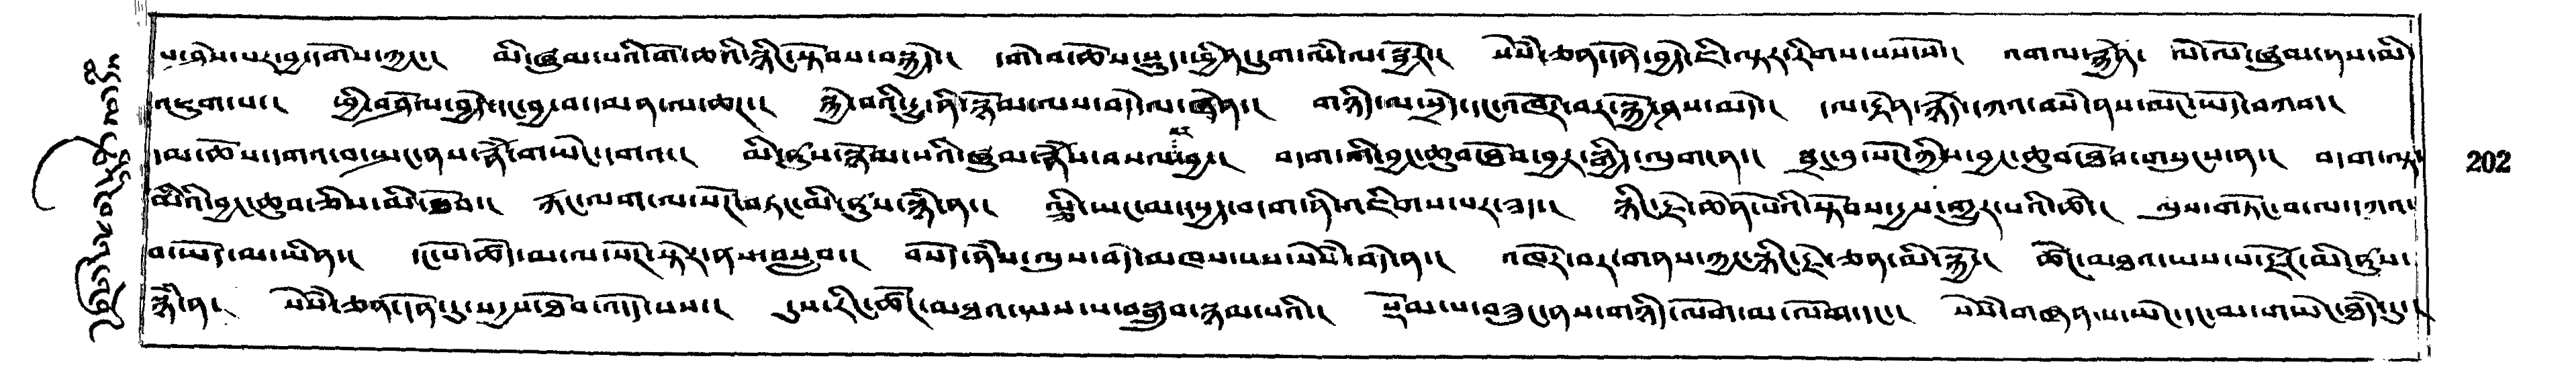པ་ཤེས་པར་བྱ་དགོས་ཀྱང་། །མི་ཞུམ་པ་ཡི་གོ་ཆའི་སྙིང་སྟོབས་བསྐྱེད། །དགེ་བ་ཆོས་སྡུད་ཕྱིན་དྲུག་ལམ་ལ་སྦྱོར། །སེམས་ཅན་དོན་བྱེད་ཇི་ལྟར་རིགས་པས་སོ། །འགལ་རྐྱེན་ལེ་ལོ་ཞུམ་ནས་མི་
འཇུག་པ། །ཕྱི་བཤོལ་བྱེད་དང་བྱ་བ་དམན་ལ་ཆགས། །སྐྱེ་བའི་རྒྱུ་ནི་སྙོམ་ལས་བདེ་ལ་ཞེན། །གཉིད་ལ་སྲེད་དང་འཁོར་བར་སྐྱོ་ཤས་མེད། །དལ་རྟེན་རྙེད་དཀའ་བསམ་ནས་ལོང་ཡོད་བཀག །
དམ་ཆོས་དགའ་བ་སྤང་ནས་རྣམ་གཡེང་དགའ། །མི་ནུས་སྙམ་པའི་ཞུམ་རྣམས་བསལ་བར་བྱ། །བདག་གི་བྱང་ཆུབ་ཐོབ་བྱར་སྒྱིད་ལུག་ན། །སྦྲང་བུ་སོགས་ཀྱིས་བྱང་ཆུབ་ཐོབ་གསུངས་ན། །བདག་ལྟ་
མི་ཡི་བྱང་ཆུབ་ཅིས་མི་ཐོབ། །རྐང་ལག་ལ་སོགས་བཏང་མི་ནུས་སྙམ་ན། །ལྕི་ཡང་མ་དཔྱད་བདག་ནི་འཇིགས་པར་ཟད། །སྙིང་རྗེ་ཆེན་པོའི་སྟོབས་རྒྱས་གྱུར་པའི་ཚེ། །ལུས་གཏོང་བ་ལ་དཀའ་
བ་ཡོད་མ་ཡིན། །དང་པོ་ཚོད་མ་ལ་སོགས་སྟེར་ནས་བསླབ། །བསོད་ནམས་ལུས་བདེ་མཁས་པས་སེམས་བདེ་ན། །འཁོར་བར་གནས་ཀྱང་སྙིང་རྗེ་ཅན་མི་སྐྱོ། །ཚོགས་མཐའ་ཡས་པ་རྫོགས་མི་ནུས་
སྙམ་ན། །སེམས་ཅན་དོན་དུ་སངས་རྒྱས་འཐོབ་འདོད་པས། །དུས་རིང་ཚོགས་མཐའ་ཡས་པ་བསྒྲུབ་སྙམ་པའི། །སྡོམ་པ་བཟུང་ནས་གཉིད་ལོག་མ་ལོག་དང་། །སེམས་གཞན་གཡེང་དང་མ་གཡེང་ཐམས་ཅད་དུ། །